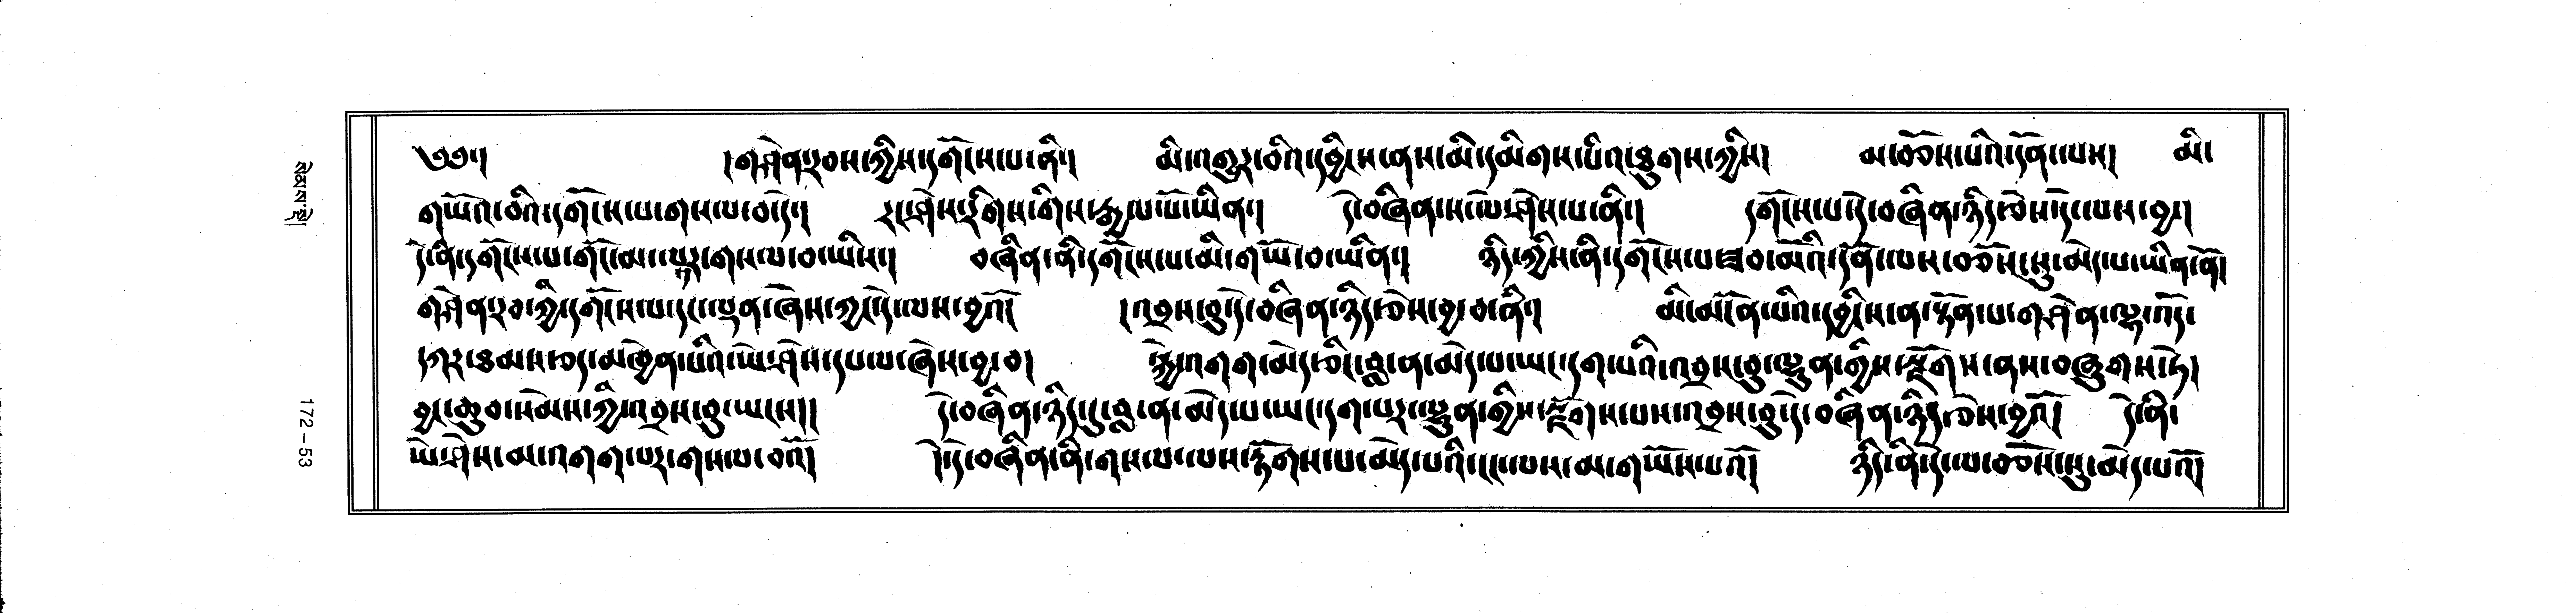གཤེན་རབ་ཀྱིས་དགོངས་པ་ནི། མི་འགྱུར་བའི་དབྱིངས་ནས་མེད་དམིགས་པའི་ཐུགས་ཀྱིས། མ་བཅོས་པའི་དོན་ལས། མི་
གཡོའ་བའི་དགོངས་པ་གསལ་བ་དེ། རང་ཤེས་རིག་གི་རྒྱལ་པོ་ཡིན། དེ་བཞིན་ས་ལེ་ཤེས་པ་ནི། དགོངས་པ་དེ་བཞིན་ཉིད་ཅེས་དེ་ལས་བྱ། 
དེ་ནི་དགོངས་པ་གོང་མ་ལྟར་གསལ་བ་ཡིས། བཞིན་ནི་དགོངས་པ་མི་གཡོ་བ་ཡིན། ཉིད་ཀྱིས་ནི་དགོངས་པ་ཟབ་མོའི་དོན་ལས་བཅོས་སུ་མེད་པ་ཡིན་ནོ། 
གཤེན་རབ་ཀྱི་དགོངས་པ་དང་ལྡན་ཞེས་ཀྱང་དེ་ལས་བྱའོ། འབྲས་བུ་དེ་བཞིན་ཉིད་ཅེས་བྱ་བ་ནི། མི་མངོན་པའི་དབྱིངས་ན་སྟོན་པ་གཤེན་ལྷ་འོད་
དཀར་ཐམས་ཅད་མཁྱེན་པའི་ཡེ་ཤེས་དཔལ་ཞེས་བྱ་བ། སྐྱེ་འགག་མེད་ཅིང་བླ་ན་མེད་པ་ཡང་དག་པའི་འབྲས་བུ་ལྷུན་གྱིས་རྫོགས་ནས་བཞུགས་ཏེ། 
བྱང་ཆུབ་སེམས་ཀྱིས་འབྲས་བུ་ཡངས། དེ་བཞིན་ཉིད་དུ་བླ་ན་མེད་པ་ཡང་དག་པར་ལྷུན་གྱིས་རྫོགས་པས་འབྲས་བུ་དེ་བཞིན་ཉིད་ཅེས་བྱའོ། དེ་ནི་
ཡེ་ཤེས་མ་འགག་པར་གསལ་བའོ། དེ་བཞིན་ནི་གསལ་ལས་རྟོགས་པ་མེད་པའི་ངང་ལས་མ་གཡོས་པའོ། ཉིད་ནི་དེ་ལ་བཅོས་སུ་མེད་པའོ།